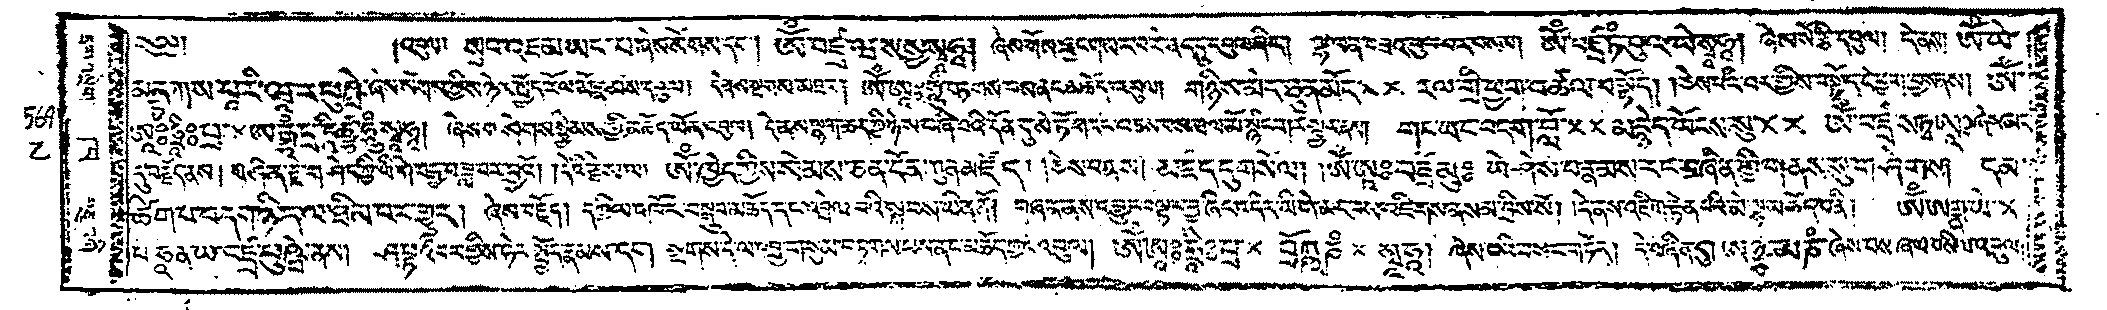༄༅། །འབུལ། སྲབ་འཇམ་ཡང་པ་ཞེས་སོགས་དང་།  ཨོཾ་བཛྲ་ཝ་ས་སྱ་སྭཱཧཱ། ཞེས་གོས་ཐུང་གསར་བ་རེ་ནང་དུ་དབུལ་ཞིང་། ལྷ་ལན་བཟའ་ཕུལ་བར་བསམ།  ཨོཾ་བཛྲ་ཏཾ་བུལ་ཡེ་སྭཱཧཱ། ཞེས་སོ་རྩི་དབུལ། དེ་ནས།  ཨོཾ་ཡེ་
མནྟ་ཀས་པཱ་རི་ཝཱ་ར་པུཥྤེ་ཞེས་སོགས་ཀྱིས་ཉེར་སྤྱོད་རོལ་མོ་རྣམས་དབུལ། དེ་ནས་སྔགས་མཐར།  ཨོཾ་ཨཱཿཧཱུཾ་བཏགས་པས་ནང་མཆོད་འབུལ། གཉིས་མེད་ཐུན་མོང་྾྾྾་རལ་གྲི་ཕྱག་འཚལ་བསྟོད། །ཅེས་པའི་བར་གྱིས་བསྟོད་དེ་ཕྱག་བྱས་ནས། ཨོཾ་
ཨཱཿཧྲཱིཿཔྲ་྾་ཨརྒྷདྲ་ཏཱིཙྪ་ཧཱུཾ་སྭཱཧཱ། ཞེས་གཤེགས་སྐྱེམས་ཀྱི་མཆོད་ཡོན་འབུལ། དེ་ནས་ལྷག་ཆད་ཀྱི་ཉེས་པ་ཞི་བའི་དོན་དུ་མེ་ཏོག་དང་བཅས་པས་ཐལ་མོ་སྙིང་གར་སྦྱར་ནས།  གང་ཡང་བདག་བློ་྾་྾་མྲྙེད་ཡོངས་སུ་྾་྾་ཨོཾ་བཛྲ་སཏྭ་ཨཱ་ཞེས་མང་
དུ་བརྗོད་ནས། གཤིན་རྗེ་གཤེགས་ཀྱི་ཡི་གེ་བརྒྱ་བཟླ་བར་བྱའོ། །དེའི་རྗེས་ལ། ཨོཾ་ཁྱེད་ཀྱིས་སེམས་ཅན་དོན་ཀུན་མཛོད། །ཅེས་བ་ནས།  མཛད་དུ་གསོལ། །ཨོཾ་ཨཱཿབཛྲ་མུཿ ཡེ་ཤེས་པ་རྣམས་རང་བཞིན་གྱི་གནས་སུ་གཤེགས། དམ་་་
ཚིག་པ་བདག་ཉིད་ལ་ཐིམ་པར་གྱུར། ཞེས་བརྗོད། དཀྱིལ་འཁོར་བསྒྲུབ་མཆོད་དང་འབྲེལ་བའི་སྐབས་ཡིན་ནོ། གཞན་ནས་འབྱུང་བལྟར་བྱ་ཞིང་འདིར་ཡི་གེ་མང་བས་འཇིགས་ནས་མ་བྲིས་སོ། །དེ་ནས་འཇིག་རྟེན་པའི་མེ་ལྷ་མཆོད་བ་ནི།  ཨོཾ་ཨགན་ཡེ་྾་
པ་ཧཱ་ན་ཡ་བཛྲ་པུཥྤེ་ནས། ཤཔྟའི་བར་གྱིས་ཉེར་སྤྱོད་རྣམས་དང་། སྔགས་དེ་ལ་འབྲུ་གསུམ་བཏགས་པས་ནང་མཆོད་ཀྱང་འབུལ། ཨོཾ་ཨཱཿཧྲིཿཔྲ་྾་བྲོཀྵཎཾ་྾་སྭཱཧཱ། ཞེས་བའི་བསང་གཏོར། དེ་བཞིན་དུ།  ཨཉྩ་མཎཾ་ཞེས་བས་ཞལ་བསིལ་འབུལ་